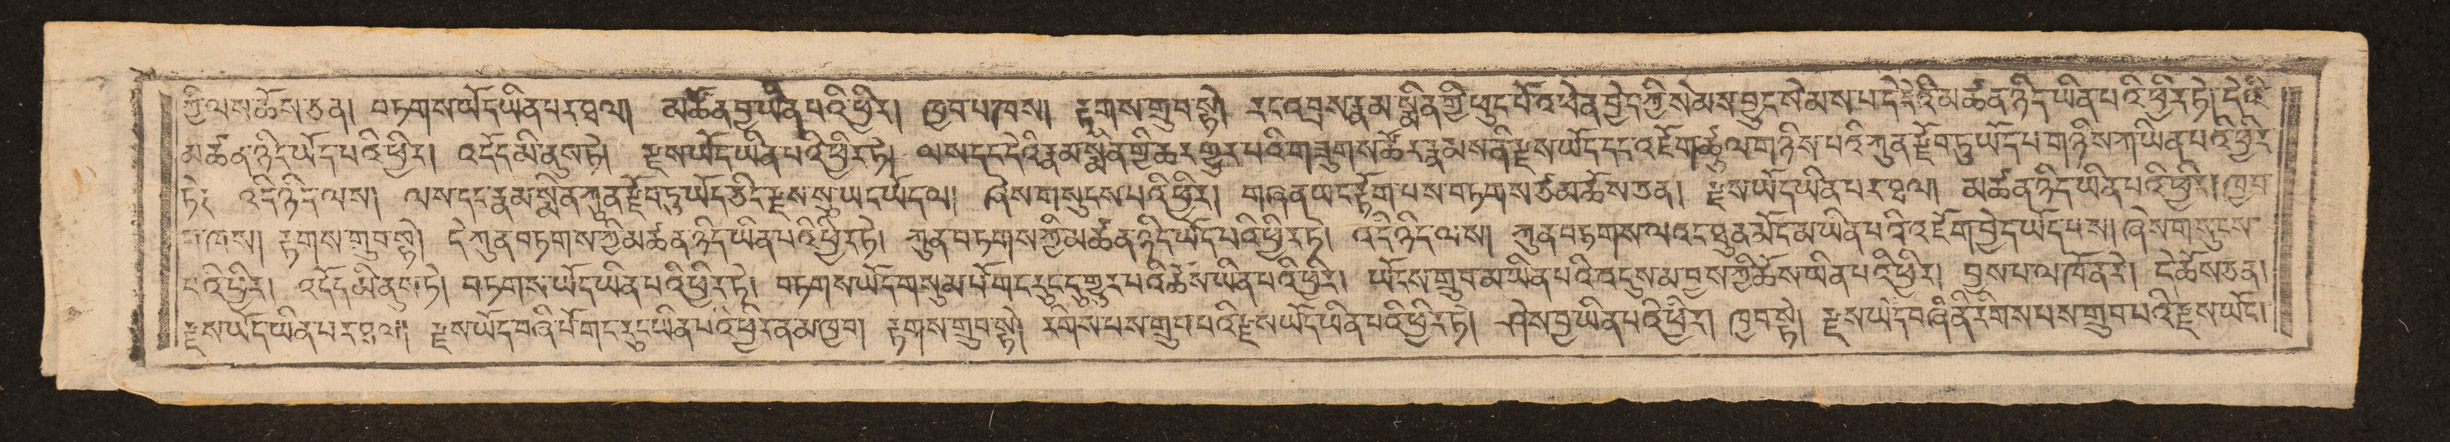ཀྱི་ལས་ཆོས་ཅན། བཏགས་ཡོད་ཡིན་པར་ཐལ། མཚོན་བྱ་ཡིན་པའི་ཕྱིར། ཁྱབ་པ་ཁས། རྟགས་གྲུབ་སྟེ། རང་འབྲས་རྣམ་སྨིན་གྱི་ཕུང་པོ་འཕེན་བྱེད་ཀྱི་སེམས་བྱུང་སེམས་པ་དེ་དེའི་མཚན་ཉིད་ཡིན་པའི་ཕྱིར་ཏེ། དེའི་
མཚན་ཉིད་ཡོད་པའི་ཕྱིར། འདོད་མི་ནུས་ཏེ། རྫས་ཡོད་ཡིན་པའི་ཕྱིར་ཏེ། ལས་དང་དེའི་རྣམ་སྨིན་གྱི་ཆར་གྱུར་པའི་གཟུགས་ཚོར་རྣམས་ནི་རྫས་ཡོད་དང་འཇོག་ཚུལ་གཉིས་པའི་ཀུན་རྫོབ་ཏུ་ཡོད་པ་གཉིས་ཀ་ཡིན་པའི་ཕྱིར་
ཏེ༑ འདི་ཉིད་ལས། ལས་དང་རྣམ་སྨིན་ཀུན་རྫོབ་ཏུ་ཡོད་ཅིང་རྫས་སུ་ཡང་ཡོད་ལ། ཞེས་གསུངས་པའི་ཕྱིར། གཞན་ཡང་རྟོག་པས་བཏགས་ཙམ་ཆོས་ཅན། རྫས་ཡོད་ཡིན་པར་ཐལ། མཚན་ཉིད་ཡིན་པའི་ཕྱིར། ཁྱབ་
པ་ཁས། རྟགས་གྲུབ་སྟེ། དེ་ཀུན་བཏགས་ཀྱི་མཚན་ཉིད་ཡིན་པའི་ཕྱིར་ཏེ། ཀུན་བཏགས་ཀྱི་མཚན་ཉིད་ཡོད་པའི་ཕྱིར་ཏེ། འདི་ཉིད་ལས། ཀུན་བཏགས་ལའང་ཐུན་མོང་མ་ཡིན་པའི་འཇོག་བྱེད་ཡོད་པས། ཞེས་གསུངས་
པའི་ཕྱིར། འདོད་མི་ནུས་ཏེ། བཏགས་ཡོད་ཡིན་པའི་ཕྱིར་ཏེ། བཏགས་ཡོད་གསུམ་པོ་གང་རུང་དུ་གྱུར་པའི་ཆོས་ཡིན་པའི་ཕྱིར། ཡོངས་གྲུབ་མ་ཡིན་པའི་འདུས་མ་བྱས་ཀྱི་ཆོས་ཡིན་པའི་ཕྱིར། བྱས་པ་ལ་ཁོ་ན་རེ། དེ་ཆོས་ཅན།
རྫས་ཡོད་ཡིན་པར་ཐལ། རྫས་ཡོད་བཞི་པོ་གང་རུང་ཡིན་པའི་ཕྱིར་ན་མ་ཁྱབ། རྟགས་གྲུབ་སྟེ། རིགས་པས་གྲུབ་པའི་རྫས་ཡོད་ཡིན་པའི་ཕྱིར་ཏེ། ཤེས་བྱ་ཡིན་པའི་ཕྱིར། ཁྱབ་སྟེ། རྫས་ཡོད་བཞི་ནི་རིགས་པས་གྲུབ་པའི་རྫས་ཡོད།